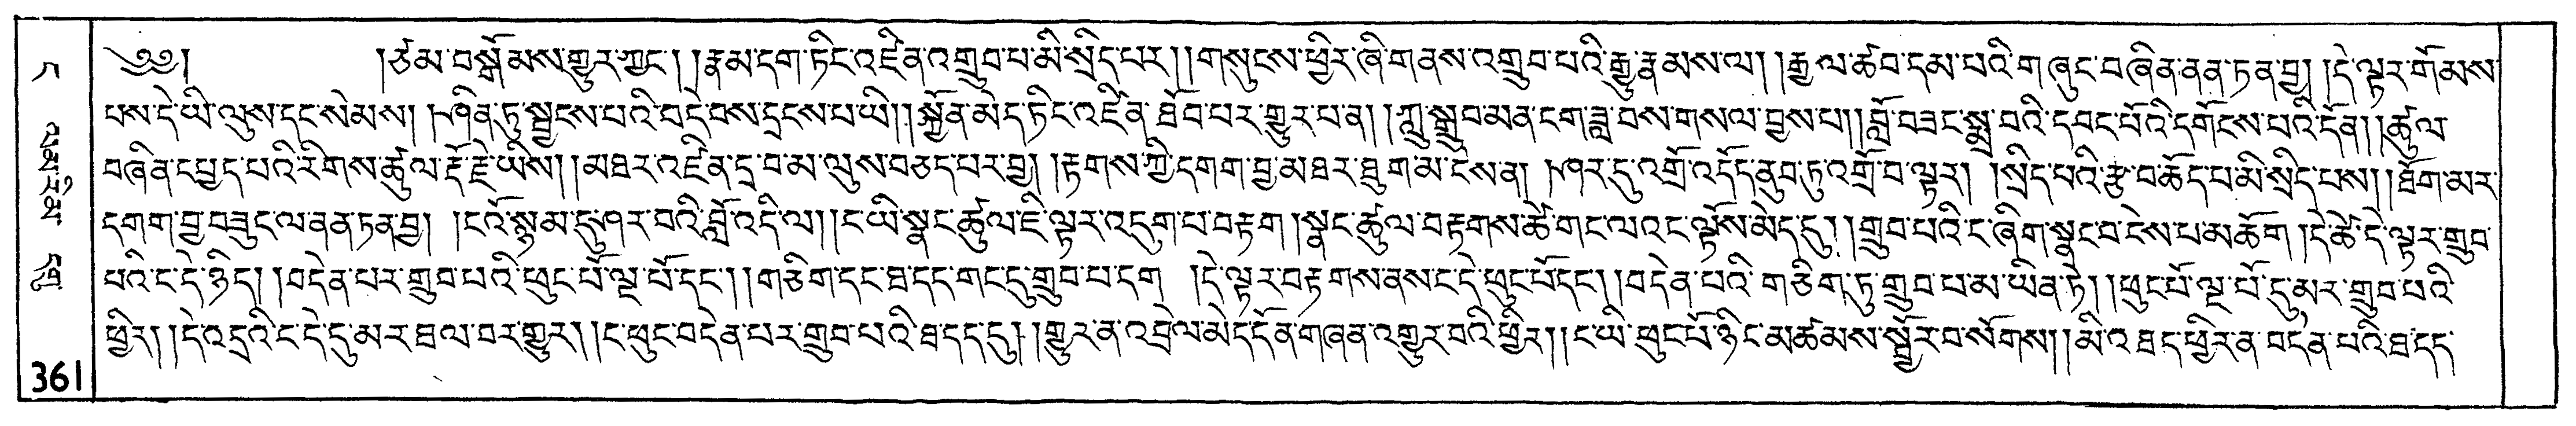༄༅། །ཙམ་བསྒོམས་གྱུར་ཀྱང་། །རྣམ་དག་ཏིང་འཛིན་འགྲུབ་པ་མི་སྲིད་པར། །གསུངས་ཕྱིར་ཞི་གནས་འགྲུབ་པའི་རྒྱུ་རྣམས་ལ། །རྒྱལ་ཚབ་དམ་པའི་གཞུང་བཞིན་ནན་ཏན་བྱ། །དེ་ལྟར་གོམས་
པས་དེ་ཡི་ལུས་དང་སེམས། །ཤིན་ཏུ་སྦྱངས་པའི་བདེ་བས་དྲངས་པ་ཡི། །སྐྱོན་མེད་ཏིང་འཛིན་ཐོབ་པར་གྱུར་པ་ན། །ཀླུ་སྒྲུབ་མན་ངག་ཟླ་བས་གསལ་བྱས་པ། །བློ་བཟང་སྨྲ་བའི་དབང་པོའི་དགོངས་པའི་དོན། །ཚུལ་
བཞིན་དཔྱད་པའི་རིགས་ཚུལ་རྡོ་རྗེ་ཡིས། །མཐར་འཛིན་དྲ་བ་མ་ལུས་བཅད་པར་བྱ། །རྟགས་ཀྱི་དགག་བྱ་མཐར་ཐུག་མ་ངེས་ན། །ཤར་དུ་འགྲོ་འདོད་ནུབ་ཏུ་འགྲོ་བ་ལྟར། །སྲིད་པའི་རྩ་བ་ཆོད་པ་མི་སྲིད་པས། །ཐོག་མར་
དགག་བྱ་བཟུང་ལ་ནན་ཏན་བྱ། །ངའོ་སྙམ་དུ་ཤར་བའི་བློ་འདི་ལ། །ང་ཡི་སྣང་ཚུལ་ཇི་ལྟར་འདུག་པ་བརྟག །སྣང་ཚུལ་བརྟགས་ཚེ་གང་ལའང་ལྟོས་མེད་དུ། །གྲུབ་པའི་ང་ཞིག་སྣང་བ་ངེས་པ་མཆོག །དེ་ཚེ་དེ་ལྟར་གྲུབ་
པའི་ང་དེ་ཉིད། །བདེན་པར་གྲུབ་པའི་ཕུང་པོ་ལྔ་པོ་དང་། །གཅིག་དང་ཐ་དད་གང་དུ་གྲུབ་པ་དག །དེ་ལྟར་བརྟགས་ནས་ང་དེ་ཕུང་པོ་དང་། །བདེན་པའི་གཅིག་ཏུ་གྲུབ་པ་མ་ཡིན་ཏེ། །ཕུང་པོ་ལྔ་པོ་དུ་མར་གྲུབ་པའི་
ཕྱིར། །དེ་འདྲའི་ང་དེ་དུ་མར་ཐལ་བར་གྱུར། །ང་ཕུང་བདེན་པར་གྲུབ་པའི་ཐ་དད་དུ། །གྱུར་ན་འབྲེལ་མེད་དོན་གཞན་འགྱུར་བའི་ཕྱིར། །ང་ཡི་ཕུང་པོ་ཉིང་མཚམས་སྦྱོར་བ་སོགས། །མི་འཐད་ཕྱིར་ན་བདེན་པའི་ཐ་དད་